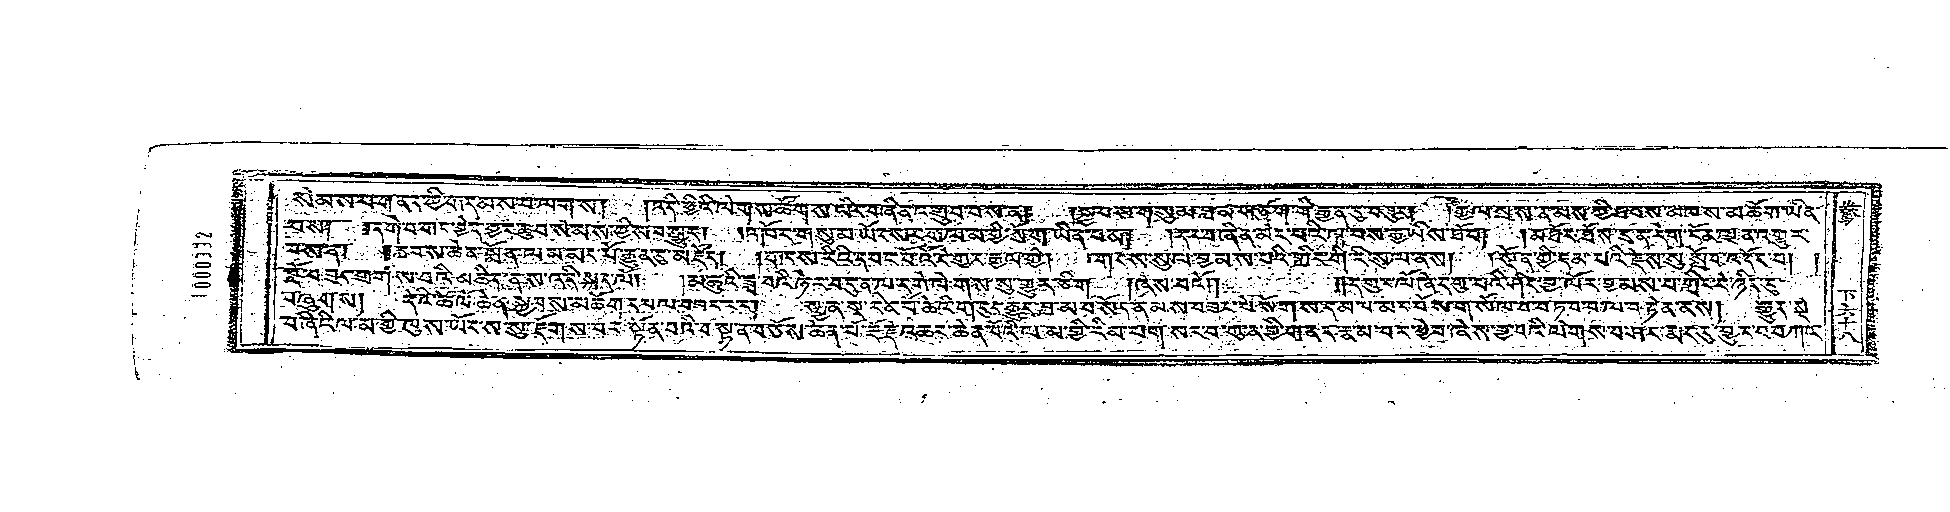སེམས་པ་གནང་ཀྱི་གདམས་པ་ལགས། །འདི་ཕྱིའི་ལེགས་ཚོགས་ཡིད་བཞིན་འགྲུབ་བས་ན། །སྐྱབས་གསུམ་བླ་མ་གཙུག་གི་རྒྱན་དུ་བཟུང་། །རྒྱལ་སྲས་རྣམས་ཀྱི་ཐབས་མཁས་མཆོག་ཡིན་
པས། །དགེ་བ་གང་བྱེད་བྱང་ཆུབ་སེམས་ཀྱིས་བསྒྱུར། །འཁོར་གསུམ་ཡོངས་དགལ་མ་གྱི་སྲོག་ཡིན་པས། །དང་བཞིན་མེད་པའི་ལྟ་བས་རྒྱ་ཡིས་ཐོག །མཐོང་ཐོས་དྲན་རེག་དོན་ལྡན་འགྱུར་
བས་ན། །རླབས་ཆེན་སྨོན་ལམ་མང་པོ་རྒྱུན་དུ་མཛོད། །གངས་རིའི་དབང་བོ་འོ་དེ་གུང་རྒྱལ་གྱི། །གངས་སུལ་བྱམས་བའི་གླིང་གི་རི་སུལ་ནས། །སྔོན་གྱི་དམ་པའི་རྗེས་སུ་སློབ་འདོད་པ། །
བློ་བཟང་གྲགས་བའི་མཆིད་ན་ས་འདི་སྐད་ལོ། །མཆུའི་ཟླ་བའི་ཉེར་བདུན་ལ་དགེ་ལེགས་སུ་གྱུར་ཅིག །ཞེས་བའོ།། །།དགུང་ལོ་ཞེ་དགུ་པའི་ཤིང་བྱ་ལོར་བྱམས་པ་གླིང་དེ་ཉིད་དུ་
བཞུགས། རེའི་ཚེ་ལོ་ཆེན་སྐྱབས་མཆོག་དཔལ་བཟང་དང་། སྤྱན་སྔ་རིན་པོ་ཆེའི་གདུང་རྒྱུད་བླ་མ་བསོད་ནམས་བཟང་པོ་སོགས་དམ་པ་མང་པོས་གསོལ་བ་བཏབ་པ་ལ་བརྟེན་ནས། རྒྱུད་སྡེ་
བཞིའི་ལ་མ་གྱི་ཁུས་ཡོངས་སུ་རྫོགས་པར་སྟོན་བའི་བསྟན་བཅོས་ཆེན་པོ་རྡོ་རྗེ་འཆང་ཆེན་པོའི་ལམ་གྱི་རིམ་པ་གསང་བ་ཀུན་གྱི་གནད་རྣམ་བར་ཕྱེ་བ་ཞེས་བྱ་བའི་ལེགས་བ་ཤང་རྨང་དུ་བྱུང་བ་བཀའ་